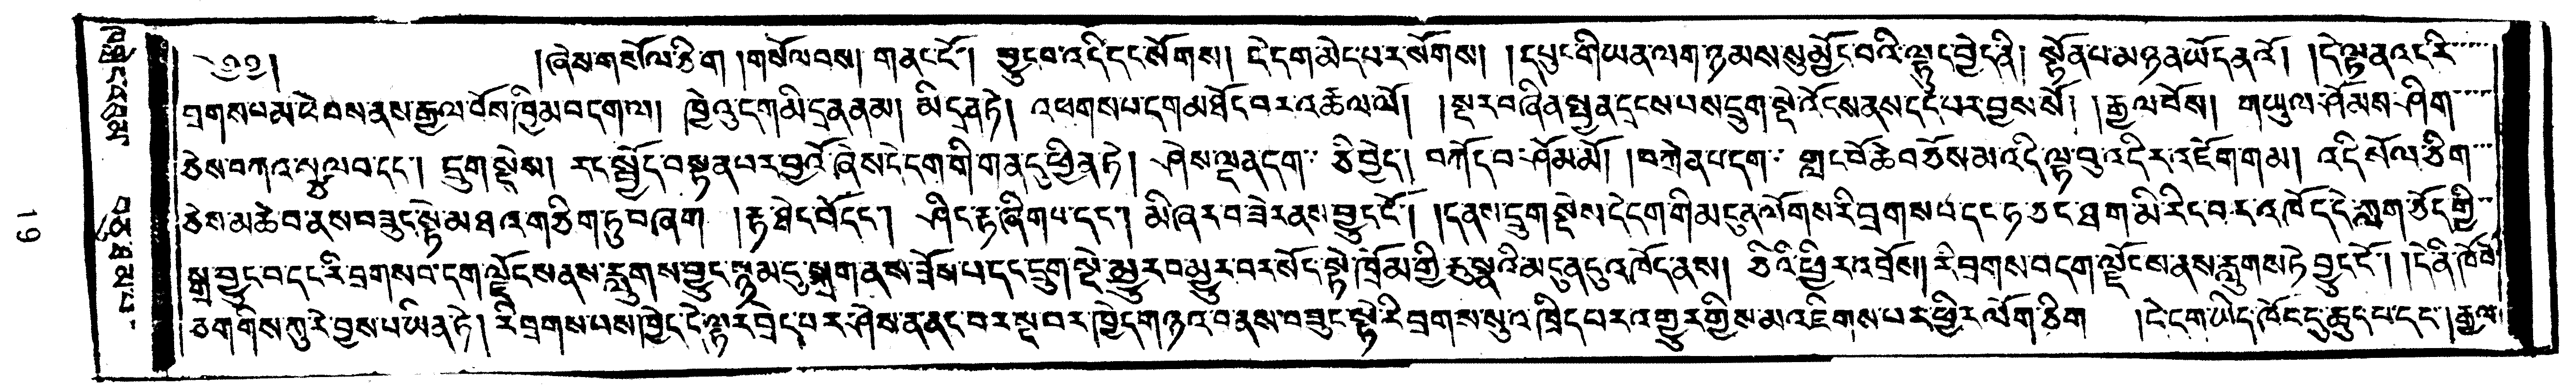༄༅། །ཞེས་གསོལ་ཅིག །གསོལ་བས། གནང་ངོ། བྱུང་བ་འདི་དང་སོགས། དེ་དག་མེད་པར་སོགས། །དཔུང་གི་ཡན་ལག་ཉམས་སུ་མྱོང་བའི་ལྟུང་བྱེད་ནི། སྟོན་པ་མཉན་ཡོད་ནའོ། །དེ་ལྟ་ནའང་རི་
བྲགས་པ་མ་ཕེབས་ནས་རྒྱལ་བོས་ཁྱིམ་བདག་ལ། ཁྱེའུ་དག་མི་དྲན་ནམ། མི་དྲན་ཏེ། འཕགས་པ་དག་མཐོང་བར་འཚལ་ལོ། །སྔར་བཞིན་སྤྱན་དྲངས་པས་དྲུག་སྡེ་འོངས་ནས་དད་པར་བྱས་སོ། །རྒྱལ་བོས། གཡུལ་ཤོམས་ཤིག་
ཅེས་བཀའ་སྩལ་བ་དང་། དྲུག་སྡེས། རང་སྤྱོད་བསྟན་པར་བྱའོ་ཞེས་དེ་དག་གི་གན་དུ་ཕྱིན་ཏེ། ཤེས་ལྡན་དག་ཅི་བྱེད། བཀོད་པ་ཤོམ་མོ། །བཀྲེན་པ་དག་གླང་པོ་ཆེ་བཅོས་མ་འདི་ལྟ་བུ་འདིར་འཇོག་གམ། འདི་སོལ་ཅིག་
ཅེས་མཆེ་བ་ནས་བཟུང་སྟེ་མཐའ་གཅིག་ཏུ་བཞག །རྟ་ཐེང་བོ་དང་། ཤིང་རྩ་ཞིག་པ་དང་། མི་ཞར་བ་ཟེར་ནས་བྱུང་ངོ། །ད་ནས་དྲུག་སྡེས་དེ་དག་གི་མདུན་ལོགས་རི་བྲགས་པ་དང་ཧ་ཅང་ཐག་མི་རིང་བར་འཁོད་དེ་ཀླག་ཅོད་གྱི་
སྒྲ་བྱུང་བ་དང་རི་བྲགས་པ་དག་ལྗོངས་ནས་རླུགས་བྱུང་སྙམ་དུ་སྐྲག་ནས་ཟོས་པ་དང་དྲུག་སྡེ་མྱུར་བ་མྱུར་བར་སོང་སྟེ་ཁྲོམ་གྱི་རུ་སྣའི་མདུན་དུ་འཁོད་ནས། ཅིའི་ཕྱིར་འབྲོས། རི་བྲགས་བདག་ལྗོངས་ནས་རླུགས་ཏེ་བྱུང་ངོ། །དེ་ནི་ཁོ་བོ་
ཅག་གིས་ཀུ་རེ་བྱས་པ་ཡིན་ཏེ། རི་བྲགས་པས་ཁྱེད་དེ་ལྟར་བྱེད་པར་ཤེས་ན་ནང་བར་སྔ་བར་ཁྱེད་གཉའ་བ་ནས་བཟུང་སྟེ་རི་བྲགས་སུ་འཁྲིད་པར་འགྱུར་གྱིས་མ་འཇིགས་པར་ཕྱིར་ལོག་ཅིག །དེ་དག་ཡིད་ཁོང་དུ་ཆུད་པ་དང་། རྒྱལ་